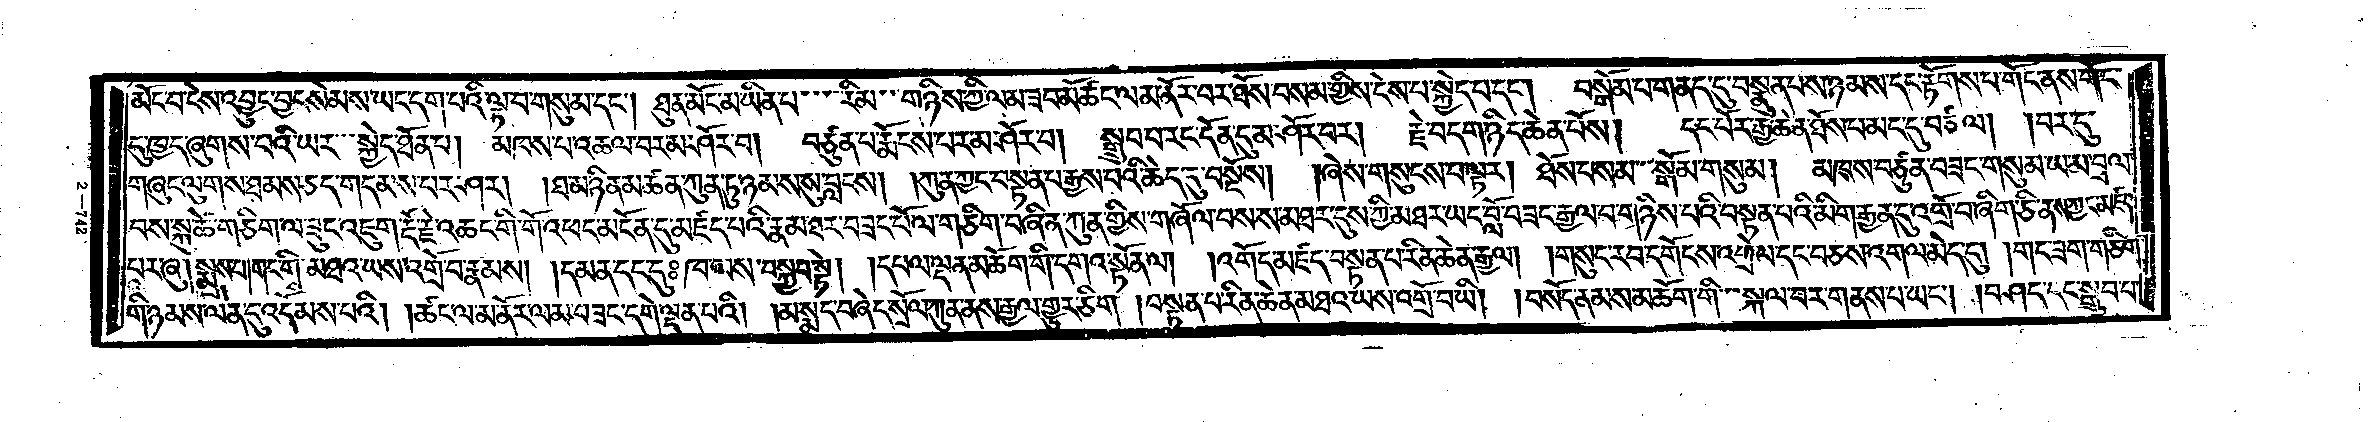མོང་བ་ངེས་འབྱུང་བྱང་སེམས་ཡང་དག་པའི་ལྟ་བ་གསུམ་དང་། ཐུན་མོང་མ་ཡིན་པ་རིམ་གཉིས་ཀྱི་ལམ་ཟབ་མོ་ཚང་ལམ་ནོར་བར་ཐོས་བསམ་གྱིས་ངེས་པ་སྐྱེད་པ་དང་། བསྒོམ་པ་གནང་དུ་བསྣུན་པས་ཉམས་དང་རྟོགས་པ་གོང་ནས་གོང་
དུ་ཁྱད་ཞུགས་པའི་ཡར་སྐྱེད་ཐོན་པ། མཁས་པ་འཆལ་བར་མ་ཤོར་བ། བཙུན་པ་རྨོངས་པར་མ་ཤོར་བ། སྒྲུབ་པར་རང་དོན་དུ་མ་ཤོར་བར། རྗེ་བདག་ཉིད་ཆེན་པོས། དང་པོར་རྒྱ་ཆེན་ཐོས་པ་མང་དུ་བཙལ། །བར་དུ་
གཞུང་ལུགས་ཐམས་ཅད་གདམས་པར་ཤར། །ཐ་མ་ཉིན་མཚན་ཀུན་ཏུ་ཉམས་སུ་བླངས། །ཀུན་ཀྱང་བསྟན་པ་རྒྱས་པའི་ཆེད་དུ་བསྔོས། །ཞེས་གསུངས་པ་ལྟར། །ཐོས་བསམ་སྒོམ་གསུམ། མཁས་བཙུན་བཟང་གསུམ་ཡམ་བྭལ་
བས་སྐུ་ཚེ་གཅིག་ལ་ཟུང་འཇུག་རྡོ་རྗེ་འཆང་གི་གོ་འཕང་མངོན་དུ་མཛད་པའི་རྣམ་ཐར་བཟང་པོ་ལ་གཅིག་བཞིན་ཀུན་གྱིས་གཞོལ་བས་ས་མཐར་དུས་ཀྱི་མཐར་ཡང་བློ་བཟང་རྒྱལ་བ་གཉིས་པའི་བསྟན་པའི་མིག་རྒྱན་དུ་འགྲོ་བ་ཞིག་ཅི་ནས་ཀྱང་མཛད་
པར་ཞུ། སྨྲས་པ། གང་གིས་མཐའ་ཡས་འགྲོ་བ་རྣམས། །དམན་དང་དུཿ ཁས་ལས་བསྐྱབ་སྟེ། །དཔལ་ལྡན་མཆོག་གི་དགའ་སྟོན་ལ། །འགོད་མཛད་བསྟན་པ་རིན་ཆེན་རྒྱལ། །གསུང་རབ་དགོངས་འགྲེལ་དང་བཅས་འགལ་མེད་དུ། །གང་ཟག་གཅིག་
གི་ཉམས་ལེན་དུ་འདམས་པའི། །ཚང་ལ་མ་ནོར་ལམ་བཟང་དགེ་ལྡན་པའི། །མ་སྨད་བཞེད་སྲོལ་ཀུན་ནས་རྒྱལ་གྱུར་ཅིག །བསྟན་པ་རིན་ཆེན་མཐའ་ཡས་འགྲོ་བ་ཡི། བསོད་ནམས་མཆོག་གི་སྐལ་བར་གནས་པ་ཡང་། །བཤད་དང་སྒྲུབ་པ་